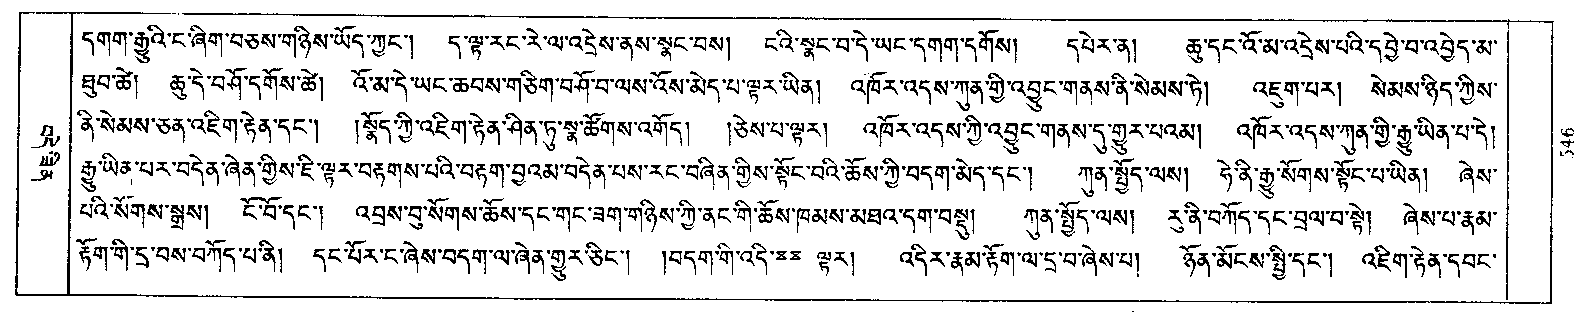དགག་རྒྱུའི་ང་ཞིག་བཅས་གཉིས་ཡོད་ཀྱང་། ད་ལྟ་རང་རེ་ལ་འདྲེས་ནས་སྣང་བས། ངའི་སྣང་བ་དེ་ཡང་དགག་དགོས། དཔེར་ན། ཆུ་དང་འོ་མ་འདྲེས་པའི་དབྱེ་བ་འབྱེད་མ་
ཐུབ་ཚེ། ཆུ་དེ་བཤོ་དགོས་ཚེ། འོ་མ་དེ་ཡང་ཆབས་གཅིག་བཤོ་བ་ལས་འོས་མེད་པ་ལྟར་ཡིན། འཁོར་འདས་ཀུན་གྱི་འབྱུང་གནས་ནི་སེམས་ཏེ། འཇུག་པར། སེམས་ཉིད་ཀྱིས་
ནི་སེམས་ཅན་འཇིག་རྟེན་དང་། །སྣོད་ཀྱི་འཇིག་རྟེན་ཤིན་ཏུ་སྣ་ཚོགས་འགོད། །ཅེས་པ་ལྟར། འཁོར་འདས་ཀྱི་འབྱུང་གནས་དུ་གྱུར་པའམ། འཁོར་འདས་ཀུན་གྱི་རྒྱུ་ཡིན་པ་དེ།
རྒྱུ་ཡིན་པར་བདེན་ཞེན་གྱིས་ཇི་ལྟར་བརྟགས་པའི་བརྟག་བྱའམ་བདེན་པས་རང་བཞིན་གྱིས་སྟོང་བའི་ཆོས་ཀྱི་བདག་མེད་དང་། ཀུན་སྤྱོད་ལས། ཧེ་ནི་རྒྱུ་སོགས་སྟོང་པ་ཡིན། ཞེས་
པའི་སོགས་སྒྲས། ངོ་བོ་དང་། འབྲས་བུ་སོགས་ཆོས་དང་གང་ཟག་གཉིས་ཀྱི་ནང་གི་ཆོས་ཁམས་མཐའ་དག་བསྡུ། ཀུན་སྤྱོད་ལས། རུ་ནི་བཀོད་དང་བྲལ་བ་སྟེ། ཞེས་པ་རྣམ་
རྟོག་གི་དྲ་བས་བཀོད་པ་ནི། དང་པོར་ང་ཞེས་བདག་ལ་ཞེན་གྱུར་ཅིང་། །བདག་གི་འདི་྾་྾་ལྟར། འདིར་རྣམ་རྟོག་ལ་དྲ་བ་ཞེས་པ། ཉོན་མོངས་སྤྱི་དང་། འཇིག་རྟེན་དབང་